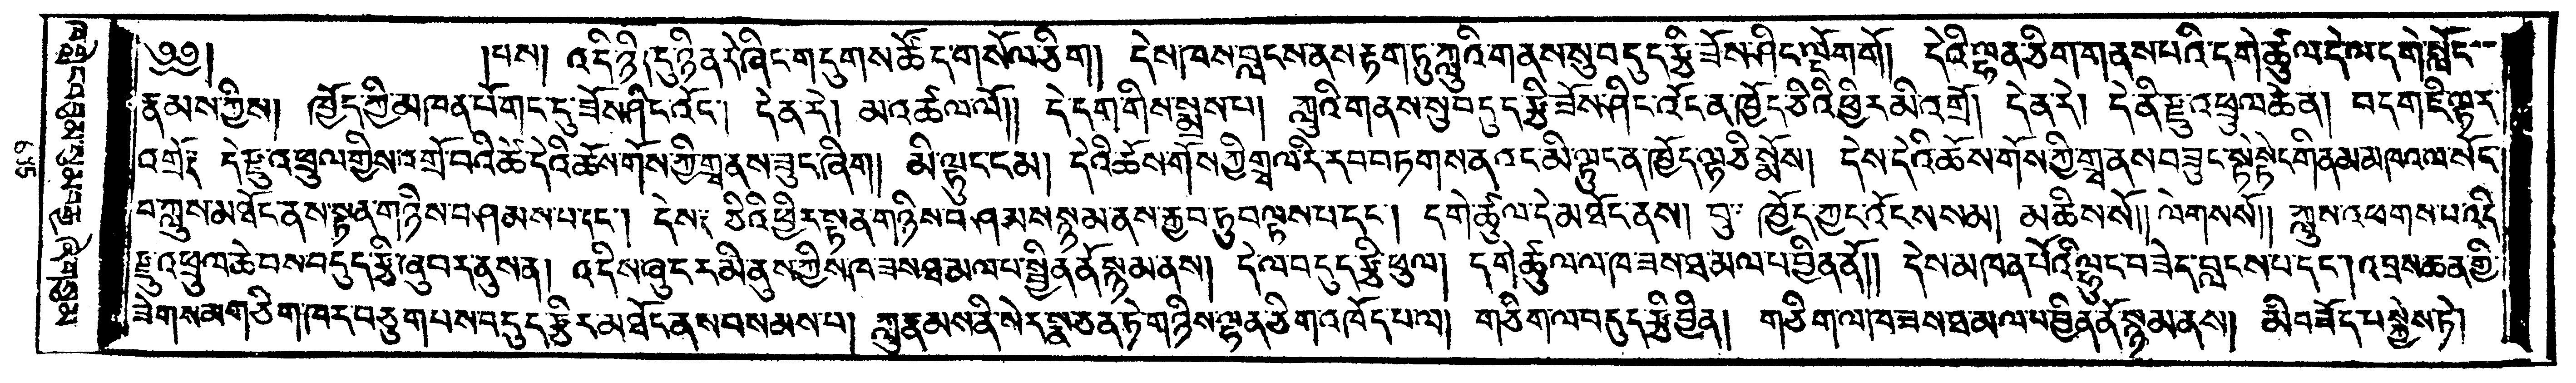༄༅། །པས། འདི་ཉི། དུ་ཉིན་རེ་ཞིང་གདུགས་ཚོད་གསོལ་ཅིག། དེས་ཁས་བླངས་ནས་རྟག་ཏུ་ཀླུའི་གནས་སུ་བདུད་རྩི་ཟོས་ཤིང་ལྡོག་གོ། དེའི་ལྷན་ཅིག་གནས་པའི་དགེ་ཚུལ་དེ་ལ་དགེ་སློང་
རྣམས་ཀྱིས། ཁྱོད་ཀྱི་མཁན་པོ་གང་དུ་ཟོས་ཤིང་འོང་། དེ་ན་རེ། མ་འཚལ་ལོ། དེས་དག་གིས་སྨྲས་པ། ཀླུའི་གནས་སུ་བདུད་རྩི་ཟོས་ཤིང་འོང་ན་ཁྱོད་ཅིའི་ཕྱིར་མི་འགྲོ། དེ་ན་རེ། དེ་ནི་རྫུ་འཕྲུལ་ཆེན། བདག་ཇི་ལྟར་
འགྲོ༑ དེ་རྫུ་འཕྲུལ་གྱིས་འགྲོ་བའི་ཚེ་དེའི་ཆོས་གོས་ཀྱི་གྲྭ་ནས་ཟུང་ཞིག། མི་ལྟུང་ངམ། དེའི་ཆོས་གོས་ཀྱི་གྲྭ་ལ་རི་རབ་བཏགས་ནའང་མི་ལྟུང་ན་ཁྱོད་ལྟ་ཅི་སྨོས། དེས་དེའི་ཆོས་གོས་ཀྱི་གྲྭ་ནས་བཟུང་སྟེ་སྟེང་གི་ནམ་མཁའ་ལ་སོང་
བ་ཀླུས་མཐོང་ནས་སྟན་གཉིས་བཤམས་པ་དང་། དེས༑ ཅིའི་ཕྱིར་སྟན་གཉིས་བཤམས་སྙམ་ནས་རྒྱབ་ཏུ་བལྟས་པ་དང་། དགེ་ཚུལ་དེ་མཐོང་ནས། བུ༑ ཁྱོད་ཀྱང་འོངས་སམ། མཆིས་སོ།། ལེགས་སོ།། ཀླུས་འཕགས་པ་འདི་
རྫུ་འཕྲུལ་ཆེ་བས་བདུད་རྩི་ཞུ་བར་ནུས་ན། འདིས་ཞུ་ངར་མི་ནུས་ཀྱིས་ཁ་ཟས་ཐ་མལ་པ་སྦྱིན་ནོ་སྙམ་ནས། དེ་ལ་བདུད་རྩི་ཕུལ། དགེ་ཚུལ་ལ་ཁ་ཟས་ཐ་མལ་པ་བྱིན་ནོ།། དེས་མཁན་པོའི་ལྷུང་བཟེད་བླངས་པ་དང་། འབྲས་ཆན་གྱི་
ཟེགས་མ་གཅིག་ཁར་བཅུག་པས་བདུད་རྩིར་མཐོང་ནས་བསམས་པ། ཀླུ་རྣམས་ནི་སེར་སྣ་ཅན་ཏེ་གཉིས་ལྷན་ཅིག་འཁོད་པ་ལ། གཅིག་ལ་བདུད་རྩི་བྱིན། གཅིག་ལ་ཁ་ཟས་ཐ་མལ་པ་བྱིན་ནོ་སྙམ་ནས། མི་བཟོད་པ་སྐྱེས་ཏེ་